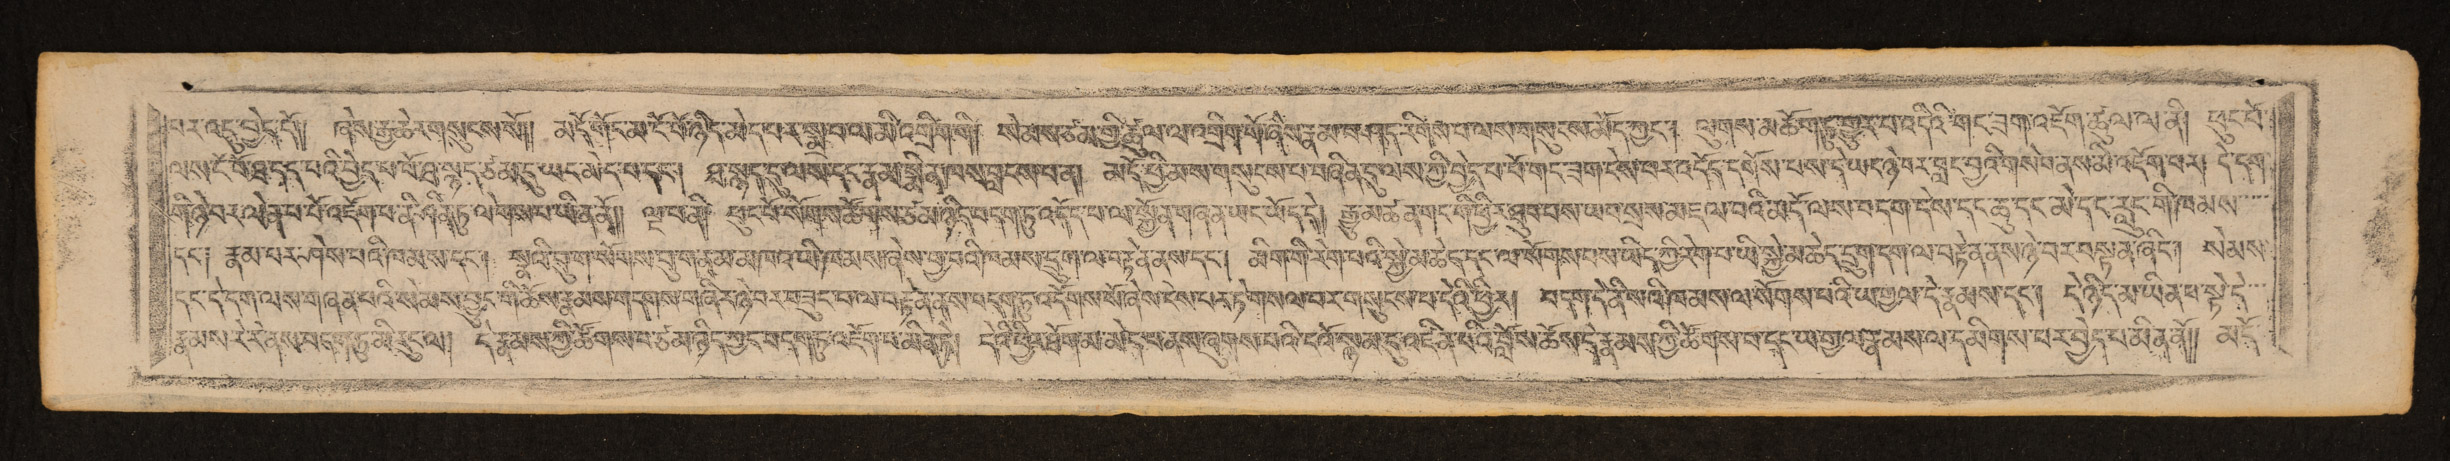པར་འདུ་བྱེད་དོ།། ཞེས་རྒྱ་ཆེ་གསུངས་སོ།། མདོ་གོང་མ་ངོ་བོ་ཉིད་མེད་པར་སྨྲ་བ་ལ་མི་འགྲིག་གི། སེམས་ཙམ་གྱི་ཚུལ་ལ་འགྲིག་གོ་ཞེས་རྣམ་བཤད་རིགས་པ་ལས་གསུངས་མོད་ཀྱང་། ལུགས་མཆོག་ཏུ་གྱུར་པ་འདིའི་གང་ཟག་འཇོག་ཚུལ་ལ་ནི། ཕུང་པོ་
ལས་ངོ་བོ་ཐ་དད་པའི་བྱེད་པ་པོ་ཐ་སྙད་ཙམ་དུ་ཡང་མེད་པ་དང་། ཐ་སྙད་དུ་ལས་དང་རྣམ་སྨིན་ཁས་བླངས་པ་ན། མདོ་ཕྱི་མས་གསུངས་པ་བཞིན་དུ་ལས་ཀྱི་བྱེད་པ་པོ་གང་ཟག་ངེས་པར་འདོད་དགོས་པས་དེ་ཡང་ཉེ་བར་བླང་བྱའི་གསེབ་ནས་མི་འཇོག་པར། དེ་དག་
གི་ཉེ་བར་ལེན་པ་པོ་འཇོག་པ་ནི་ཤིན་ཏུ་ལེགས་པ་ཡིན་ནོ།། ལྔ་པ་ནི། ཕུང་པོ་སོགས་ཚོགས་ཙམ་ཉིད་བདག་ཏུ་འདོད་པ་ལ་སྐྱོན་གཞན་ཡང་ཡོད་དེ། རྒྱུ་མཚན་གང་གི་ཕྱིར་ཐུབ་པས་ཡབ་སྲས་མཇལ་བའི་མདོ་ལས་བདག་དེ་ས་དང་ཆུ་དང་མེ་དང་རླུང་གི་ཁམས་
དང༑ རྣམ་པར་ཤེས་པའི་ཁམས་དང་། སྣའི་བུ་ག་སོགས་བུ་ག་ནམ་མཁའ་ཡི་ཁམས་ཞེས་བྱ་བའི་ཁམས་དྲུག་ལ་བརྟེན་ནས་དང་། མིག་གི་རེག་པའི་སྐྱེ་མཆེད་དང་ལ་སོགས་པས་ཡིད་ཀྱི་རེག་པ་ཡི་སྐྱེ་མཆེད་དྲུག་དག་ལ་བརྟེན་ནས་ཉེ་བར་བསྟན་ཞིང་། སེམས་
དང་དེ་དག་ལས་གཞན་པའི་སེམས་བྱུང་གི་ཆོས་རྣམས་གདགས་གཞིར་ཉེ་བར་བཟུང་བ་ལ་བརྟེན་ནས་བདག་ཏུ་འདོགས་སོ་ཞེས་ངེས་པར་ཏེ་གསལ་བར་གསུངས་པ་དེའི་ཕྱིར། བདག་དེ་ནི་སའི་ཁམས་ལ་སོགས་པའི་ཡ་གྱལ་དེ་རྣམས་དང་། དེ་ཉིད་མ་ཡིན་པ་སྟེ་དེ་
རྣམས་རེ་རེ་ནས་བདག་ཏུ་མི་རུང་ལ། དེ་རྣམས་ཀྱི་ཚོགས་པ་ཙམ་ཉིད་ཀྱང་བདག་ཏུ་འཇོག་པ་མིན་ཏེ། དེའི་ཕྱིར་ཐོག་མ་མེད་པ་ནས་ཞུགས་པའི་ངའོ་སྙམ་དུ་འཛིན་པའི་བློས་ཆོས་དེ་རྣམས་ཀྱི་ཚོགས་པ་དང་ཡ་གྱལ་རྣམས་ལ་དམིགས་པར་བྱེད་པ་མིན་ནོ།། མདོ་